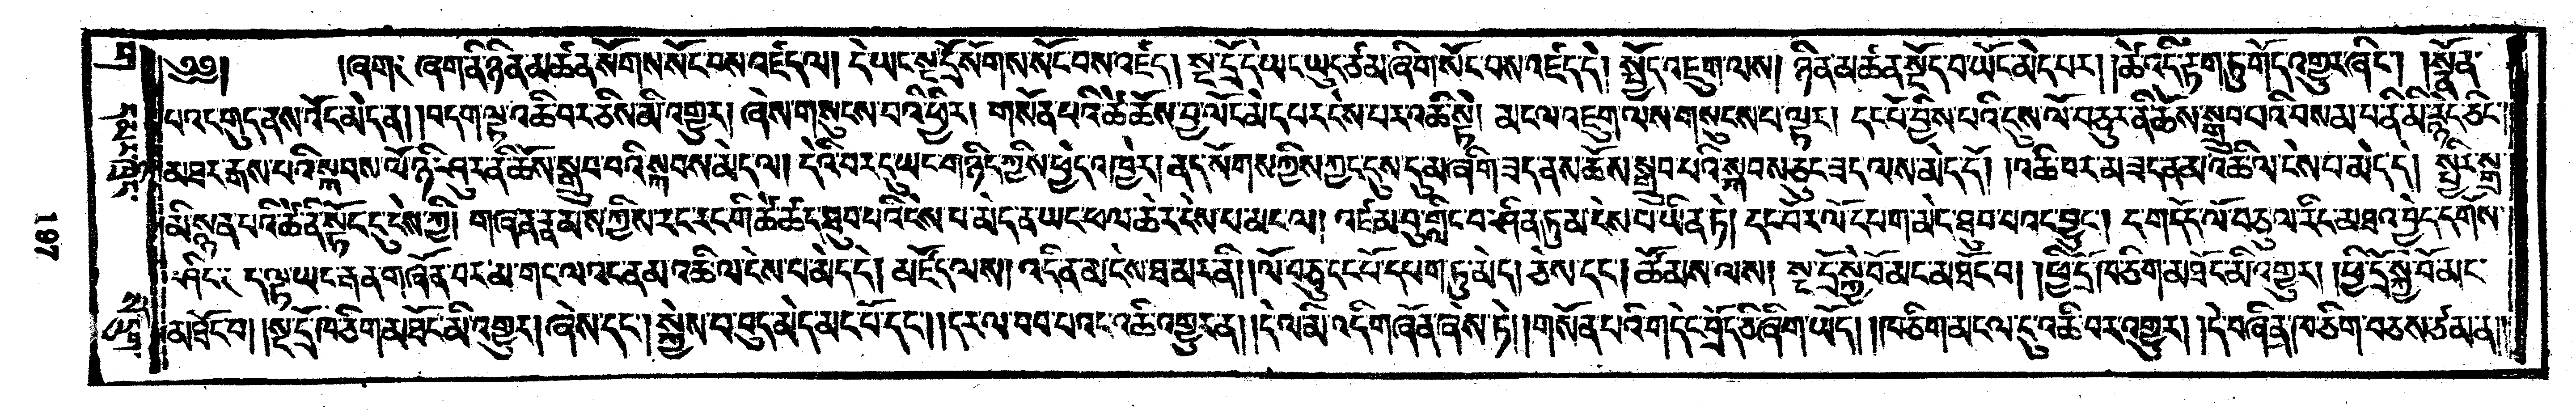༄༅། །ཞག༑ ཞག་ནི་ཉིན་མཚན་སོགས་སོང་བས་འཛད་ལ། དེ་ཡང་སྔ་དྲོ་སོགས་སོང་བས་འཛད། སྔ་དྲོ་དེ་ཡང་ཡུང་ཙམ་ཞིག་སོང་བས་འཛད་དེ། སྤྱོད་འཇུག་ལས། ཉིན་མཚན་སྔོད་པ་ཡོད་མེད་པར། །ཚེ་འདི་རྟག་ཏུ་གོད་འགྱུར་ཞིང་། །སྣོན་
པའང་གུད་ནས་འོང་མེད་ན། །བདག་ལྟ་འཆི་བར་ཅིས་མི་འགྱུར། ཞེས་གསུངས་བའི་ཕྱིར། གསོན་པའི་ཚེ་ཆོས་བྱ་ལོང་མེད་པར་ངེས་པར་འཆི་སྟེ། མངལ་འཇུག་ལས་གསུངས་པ་ལྟར། དང་པོ་བྱིས་པའི་དུས་ལོ་བཅུར་ནི་ཆོས་སྒྲུབ་བའི་བསམ་པ་ནི་མི་རྙེད་ཅིང་།
མཐར་རྒས་པའི་སྐབས་ལོ་ཉི་ཤུར་ནི་ཆོས་སྒྲུབ་བའི་སྐབས་མེད་ལ། དེའི་བར་དུ་ཡང་གཉིད་ཀྱིས་ཕྱེད་འཁྱེར། ནད་སོགས་ཀྱིས་ཀྱང་དུས་དུ་མ་ཞིག་ཟད་ནས་ཆོས་སྒྲུབ་པའི་སྐབས་ཅུང་ཟད་ལས་མེད་དོ། །འཆི་བར་མ་ཟད་ནམ་འཆི་ལ་ངེས་པ་མེད་དེ། སྤྱིར་སྒྲ་
མི་སྙན་པའི་ཚེ་ནི་སྟོང་དུ་ངེས་ཀྱི། གཞན་རྣམས་ཀྱིས་རང་རང་གི་ཚེ་ཚད་ཐུབ་པའི་ངེས་པ་མེད་ན་ཡང་ཕལ་ཆེར་ངེས་པ་མང་ལ། འཛམ་བུ་གླིང་བ་ཤིན་ཏུ་མ་ངེས་པ་ཡིན་ཏེ། དང་པོར་ལོ་དཔག་མེད་ཐུབ་པའང་བྱུང་། ད་གདོད་ལོ་བཅུ་ལ་རིང་མཐའ་བྱེད་དགོས་
ཤིང༑ ད་ལྟ་ཡང་རྒན་གཞོན་བར་མ་གང་ལའང་ནམ་འཆི་ལ་ངེས་པ་མེད་དེ། མཛོད་ལས། འདི་ན་མ་ངེས་ཐ་མར་ནི། །ལོ་བཅུ་དང་པོ་དཔག་ཏུ་མེད། ཅེས་དང་། ཚོམས་ལས། སྔ་དྲོ་སྐྱེ་བོ་མང་མཐོང་བ། །ཕྱི་དྲོ་ཁ་ཅིག་མཐོང་མི་འགྱུར། །ཕྱི་དྲོ་སྐྱེ་བོ་མང་
མཐོང་བ། །སྔ་དྲོ་ཁ་ཅིག་མཐོང་མི་འགྱུར། ཞེས་དང་། སྐྱེས་བ་བུད་མེད་མང་པོ་དང་། །དར་ལ་བབ་པའང་འཆི་འགྱུར་ན། །དེ་ལ་མི་འདི་གཞོན་ཞེས་ཏེ། །གསོན་པའི་གདེང་བྲོད་ཅི་ཞིག་ཡོད། །ཁ་ཅིག་མངལ་དུ་འཆི་བར་འགྱུར། །དེ་བཞིན་ཁ་ཅིག་བཅས་ཙམ་ན།།